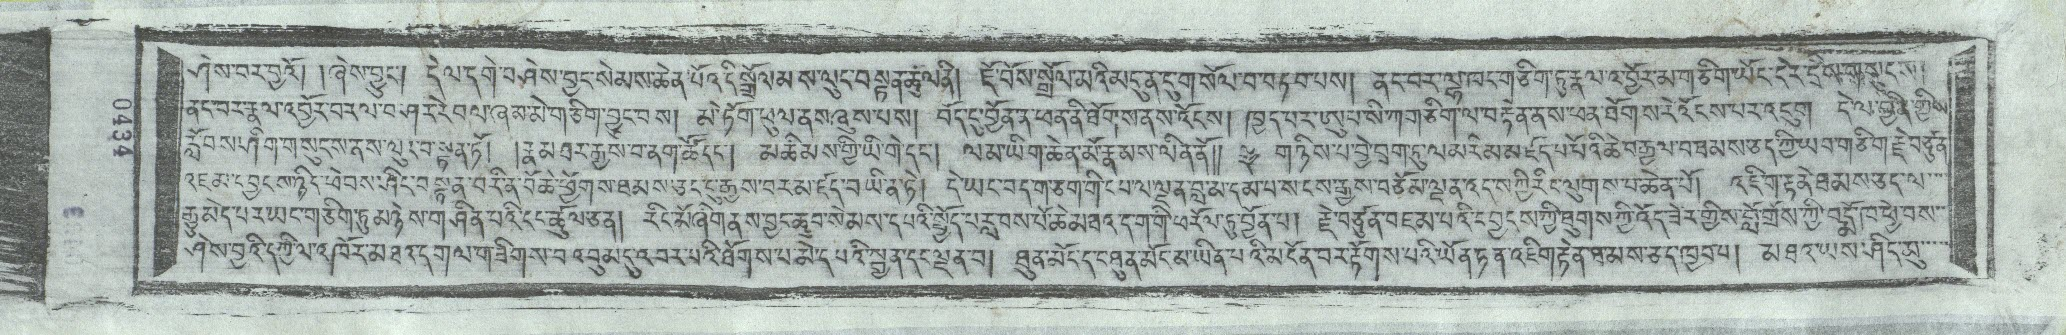ཤེས་བར་བྱའོ། །ཞེས་བྱུང་། དེལ་དགེ་བཤེས་བྱང་སེམས་ཆེན་པོ་འདི་སྒྲོལ་མས་ལུང་བསྟན་ཚུལ་ནི། ཇོ་བོས་སྒྲོལ་མའི་མདུན་དུ་གསོལ་བ་བཏབ་པས། ནང་བར་ལྷ་ཁང་གཅིག་ཏུ་རྣལ་འབྱོར་མ་གཅིག་ཡོང་དེར་དྲིས་གསུངས།
ནང་བར་རྣལ་འབྱོར་བར་ལ་བཤར་རེ་བལ་ཞམ་མེ་གཅིག་བྱུང་བས། མེ་ཏོག་ཕུལ་ནས་ཞུས་པས། བོད་དུ་བྱོན་ན་ཕན་ནི་ཐོགས་ནས་འོངས། ཁྱད་པར་ཨུས་སི་ཀ་གཅིག་ལ་བརྟེན་ནས་ཕན་ཐོགས་རེ་འོངས་པར་འདུག་དེ་ལ་བྱིན་གྱིས་
རློབས་ཤིག་གསུངས་ནས་ལུང་བ་སྟན་ཏོ། །རྣམ་ཐར་རྒྱས་བ་ནག་ཚོ་དང་། མཆིམས་གྱི་ཡི་གེ་དང་། ལམ་ཡིག་ཆེན་མོ་རྣམས་ལིན་ནོ།། ༈ གཉིས་པ་བྱེ་བྲག་ཏུ་ལམ་རིམ་མཛད་པ་པོའི་ཆེ་བརྒྱལ་བ་ཐམས་ཅད་ཀྱི་ཡབ་གཅིག་རྗེ་བཙུན་
འཇམ་དབྱངས་ཉིད་ཕེབས་ཤིང་བསྟན་བ་རིན་བོ་ཆེ་ཕྱོགས་ཐམས་ཅད་དུ་རྒྱུས་བར་མཛད་བ་ཡིན་ཏེ། དེ་ཡང་བད་ག་ཅག་གི་ང་པ་ལ་ལྡན་བླ་མ་དམ་པ་སངས་རྒྱས་བཅོམ་ལྡན་འདས་ཀྱི་རིང་ལུགས་པ་ཆེན་པོ། འཇིག་རྟེན་ཐམས་ཅད་ལ་
རྒྱུ་མེད་པར་ཡང་གཅིག་ཏུ་མཉེས་གཤིན་པའི་དང་ཚུལ་ཅན། རིང་མོ་ཞིག་ནས་བྱང་ཆུབ་སེམས་དཔའི་སྤྱོད་པ་རླབས་པོ་ཆེ་མཐའ་དག་གི་ཕ་རོལ་ཏུ་བྱིན་པ། རྗེ་བཙུན་བྗམ་པའི་དབྱངས་ཀྱི་ཐུགས་ཀྱི་འོད་ཟེར་གྱིས་གློ་གྲོས་ཀྱི་བདམོ་ཁ་ཕྱེ་བས་
ཤེས་བྱའི་དཀྱིལ་འཁོར་མཐའ་དག་ལ་གཟིགས་བ་འབུམ་དུ་འབར་པའི་ཐོགས་པ་མེད་པའི་སྦྱན་དང་ལྡན་བ། ཐུན་མོང་དང་ཐུན་མོང་མ་ཡིན་པའི་མངོན་བར་རྟོགས་པའི་ཡོན་ཏན་འཇིག་རྟེན་ཐམས་ཅད་ཁྱབ་པ། མཐའ་ཡས་ཤིད་མུ་